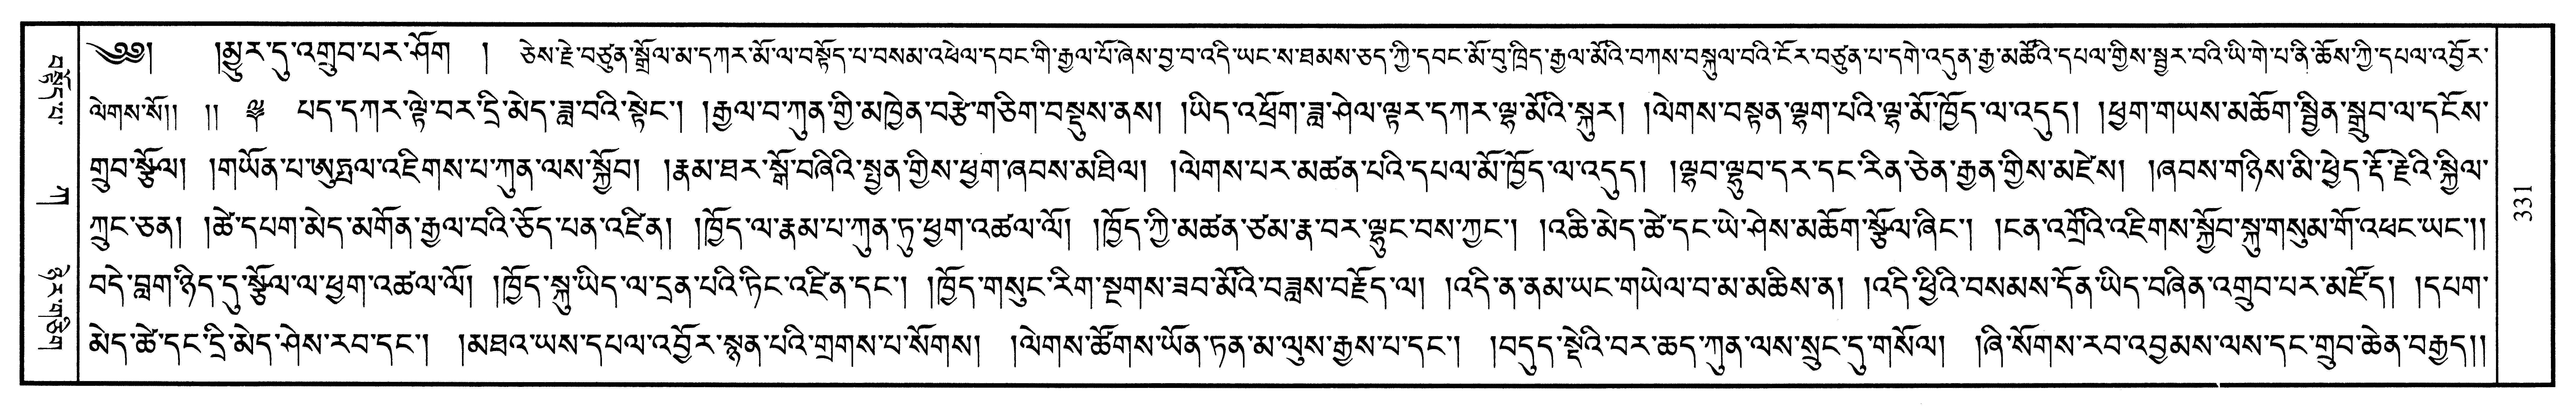༄༅། །མྱུར་དུ་འགྲུབ་པར་ཤོག །ཅེས་རྗེ་བཙུན་སྒྲོལ་མ་དཀར་མོ་ལ་བསྟོད་པ་བསམ་འཕེལ་དབང་གི་རྒྱལ་པོ་ཞེས་བྱ་བ་འདི་ཡང་ས་ཐམས་ཅད་ཀྱི་དབང་མོ་བུ་ཁྲིད་རྒྱལ་མོའི་བཀས་བསྐུལ་བའི་ངོར་བཙུན་པ་དགེ་འདུན་རྒྱ་མཚོའི་དཔལ་གྱིས་སྦྱར་བའི་ཡི་གེ་པ་ནི་ཆོས་ཀྱི་དཔལ་འབྱོར་
ལེགས་སོ།། །། ༈ པད་དཀར་ལྟེ་བར་དྲི་མེད་ཟླ་བའི་སྟེང་། །རྒྱལ་བ་ཀུན་གྱི་མཁྱེན་བརྩེ་གཅིག་བསྡུས་ནས། །ཡིད་འཕྲོག་ཟླ་ཤེལ་ལྟར་དཀར་ལྷ་མོའི་སྐུར། །ལེགས་བསྟན་ལྷག་པའི་ལྷ་མོ་ཁྱོད་ལ་འདུད། །ཕྱག་གཡས་མཆོག་སྦྱིན་སྒྲུབ་ལ་དངོས་
གྲུབ་སྩོལ། །གཡོན་པ་ཨུཏྤལ་འཇིགས་པ་ཀུན་ལས་སྐྱོབ། །རྣམ་ཐར་སྒོ་བཞིའི་སྤྱན་གྱིས་ཕྱག་ཞབས་མཐིལ། །ལེགས་པར་མཚན་པའི་དཔལ་མོ་ཁྱོད་ལ་འདུད། །ལྷབ་ལྷུབ་དར་དང་རིན་ཅེན་རྒྱན་གྱིས་མཛེས། །ཞབས་གཉིས་མི་ཕྱེད་རྡོ་རྗེའི་སྐྱིལ་
ཀྲུང་ཅན། །ཚེ་དཔག་མེད་མགོན་རྒྱལ་བའི་ཅོད་པན་འཛིན། །ཁྱོད་ལ་རྣམ་པ་ཀུན་ཏུ་ཕྱག་འཚལ་ལོ། །ཁྱོད་ཀྱི་མཚན་ཙམ་རྣ་བར་ལྷུང་བས་ཀྱང་། །འཆི་མེད་ཚེ་དང་ཡེ་ཤེས་མཆོག་སྩོལ་ཞིང་། །ངན་འགྲོའི་འཇིགས་སྐྱོབ་སྐུ་གསུམ་གོ་འཕང་ཡང་། །
བདེ་བླག་ཉིད་དུ་སྩོལ་ལ་ཕྱག་འཚལ་ལོ། །ཁྱོད་སྐུ་ཡིད་ལ་དྲན་པའི་ཏིང་འཛིན་དང་། །ཁྱོད་གསུང་རིག་སྔགས་ཟབ་མོའི་བཟླས་བརྗོད་ལ། །འདི་ན་ནམ་ཡང་གཡེལ་བ་མ་མཆིས་ན། །འདི་ཕྱིའི་བསམས་དོན་ཡིད་བཞིན་འགྲུབ་པར་མཛོད། །དཔག་
མེད་ཚེ་དང་དྲི་མེད་ཤེས་རབ་དང་། །མཐའ་ཡས་དཔལ་འབྱོར་སྙན་པའི་གྲགས་པ་སོགས། །ལེགས་ཚོགས་ཡོན་ཏན་མ་ལུས་རྒྱས་པ་དང་། །བདུད་སྡེའི་བར་ཆད་ཀུན་ལས་སྲུང་དུ་གསོལ། །ཞི་སོགས་རབ་འབྱམས་ལས་དང་གྲུབ་ཆེན་བརྒྱད། །